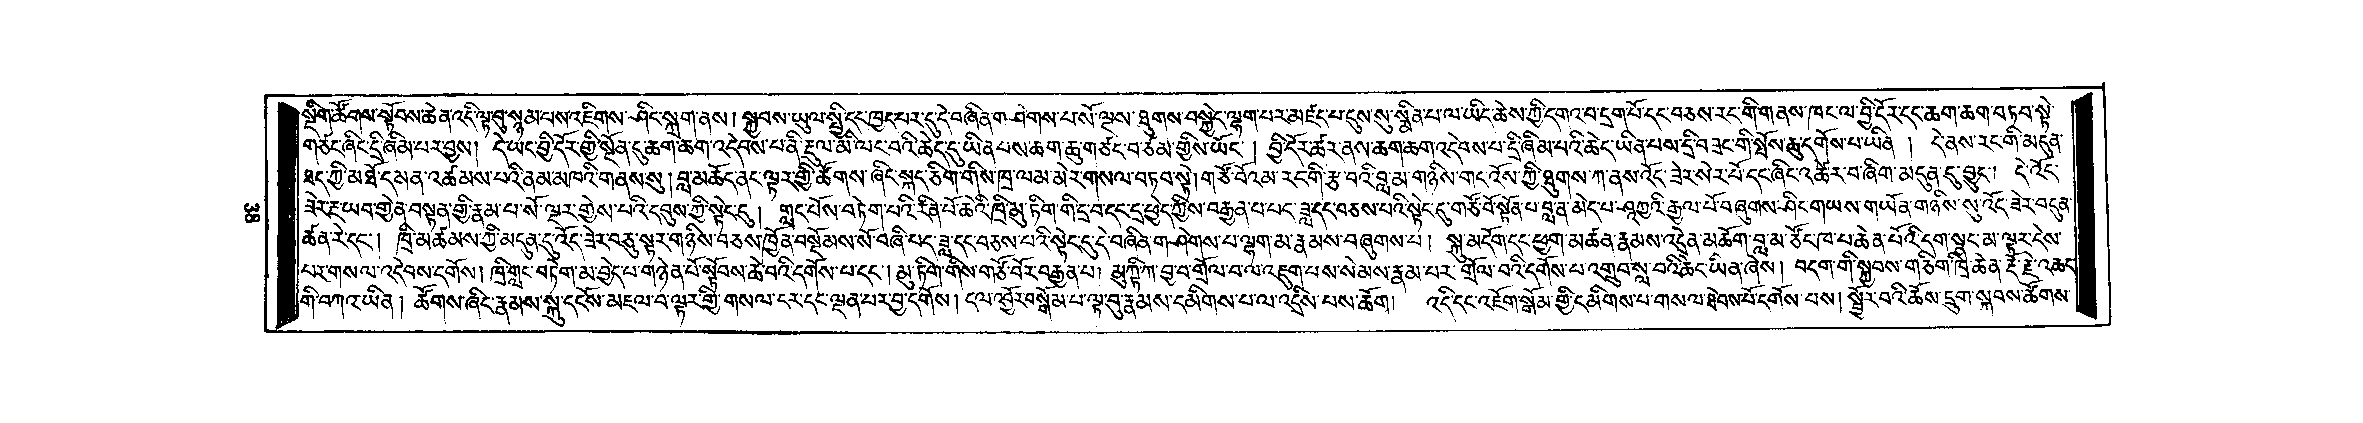སྡིག་ཚོགས་སྟོབས་ཆེན་འདི་ལྟ་བུ་སྙམ་པས་འཇིགས་ཤིང་སྐྲག་ནས། སྐྱབས་ཡུལ་སྤྱི་དང་ཁྱད་པར་དུ་དེ་བཞིན་གཤེགས་པ་སོ་ལྔས་ཐུགས་བསྐྱེད་ལྷག་པར་མཛད་པ་དུས་སུ་སྨིན་པ་ལ་ཡིད་ཆེས་ཀྱི་དགའ་བ་དྲག་པོ་དང་བཅས་རང་གི་གནས་ཁང་ལ་བྱི་དོར་དང་ཆག་ཆག་བཏབ་སྟེ་
གཙང་ཞིང་དྲི་ཞིམ་པར་བྱས། དེ་ཡང་བྱི་དོར་གྱི་སྔོན་དུ་ཆག་ཆག་འདེབས་པ་ནི་རྡུལ་མི་ལང་བའི་ཆེད་དུ་ཡིན་པས་ཆག་ཆུ་གཙང་བ་ཙམ་གྱིས་ཡོང་། བྱི་དོར་ཚར་ནས་ཆག་ཆག་འདེབས་པ་དྲི་ཞིམ་པའི་ཆེད་ཡིན་པས་དྲི་བཟང་གི་སྤོས་ཆུ་དགོས་པ་ཡིན། དེ་ནས་རང་གི་མདུན་
ཐད་ཀྱི་མཐོ་དམན་འཚམས་པའི་ནམ་མཁའི་གནས་སུ། བླ་མཆོད་ནང་ལྟར་གྱི་ཚོགས་ཞིང་སྐད་ཅིག་གིས་ཁྲ་ལམ་མེར་གསལ་བཏབ་སྟེ། གཙོ་བོའམ་རང་གི་རྩ་བའི་བླ་མ་གཉིས་གང་འོས་ཀྱི་ཐུགས་ཀ་ནས་འོད་ཟེར་སེར་པོ་དང་ཞིང་འཚེར་བ་ཞིག་མདུན་དུ་བྱུང་། དེ་འོད་
ཟེར་རྔ་ཡབ་གྱེན་བསྟན་གྱི་རྣམ་པ་སོ་ལྔར་གྱེས་པའི་དབུས་ཀྱི་སྟེང་དུ། གླང་པོས་བཏེག་པའི་རིན་པོ་ཆེའི་ཁྲི་མུ་ཏིག་གི་དྲ་བ་དང་དྲ་ཕྱེད་ཀྱིས་བརྒྱན་པ་པད་ཟླ་དང་བཅས་པའི་སྟེང་དུ་གཙོ་བོ་སྟོན་པ་བླ་ན་མེད་པ་ཤཱཀྱའི་རྒྱལ་པོ་བཞུགས་ཤིང་གཡས་གཡོན་གཉིས་སུ་འོད་ཟེར་བདུན་
ཚན་རེ་དང་། ཁྲི་མཚམས་ཀྱི་མདུན་དུ་འོད་ཟེར་བཅུ་སྟར་གཉིས་བཅས་ཁྱོན་བསྡོམས་སོ་བཞི་པད་ཟླ་དང་བཅས་པའི་སྟེང་དུ་དེ་བཞིན་གཤེགས་པ་ལྷག་མ་རྣམས་བཞུགས་པ། སྐུ་མདོག་དང་ཕྱག་མཚན་རྣམས་འདྲེན་མཆོག་བླ་མ་ཙོང་ཁ་པ་ཆེན་པོའི་དག་སྣང་མ་ལྟར་དེས་
པར་གསལ་འདེབས་དགོས། ཁྲི་གླང་བཏེག་མ་བྱེད་པ་གཉེན་པོ་སྟོབས་ཆེ་བའི་དགོས་པ་དང་། མུ་ཏིག་གིས་གཙོ་བོར་བརྒྱན་པ། མུ་ཀྟི་ཀ་བྱ་བ་གྲོལ་བ་ལ་འཇུག་པས་སེམས་རྣམ་པར་གྲོལ་བའི་དགོས་པ་འགྲུབ་སླ་བའི་ཆེད་ཡིན་ཞེས། བདག་གི་སྐྱབས་གཅིག་ཁྲི་ཆེན་རྡོ་རྗེ་འཆང་
གི་བཀའ་ཡིན། ཚོགས་ཞིང་རྣམས་སྐུ་དངོས་མཇལ་བ་ལྟར་གྱི་གསལ་ངར་དང་ལྡན་པར་བྱ་དགོས། དལ་འབྱོར་བསྒོམ་པ་ལྟ་བུ་རྣམས་དམིགས་པ་ལ་འདྲིས་པས་ཆོག །འདི་དང་འཇོག་སྒོམ་གྱི་དམིགས་པ་གསལ་ཐེབས་པོ་དགོས་པས། སྦྱོར་བའི་ཆོས་དྲུག་སྐབས་ཚོགས་